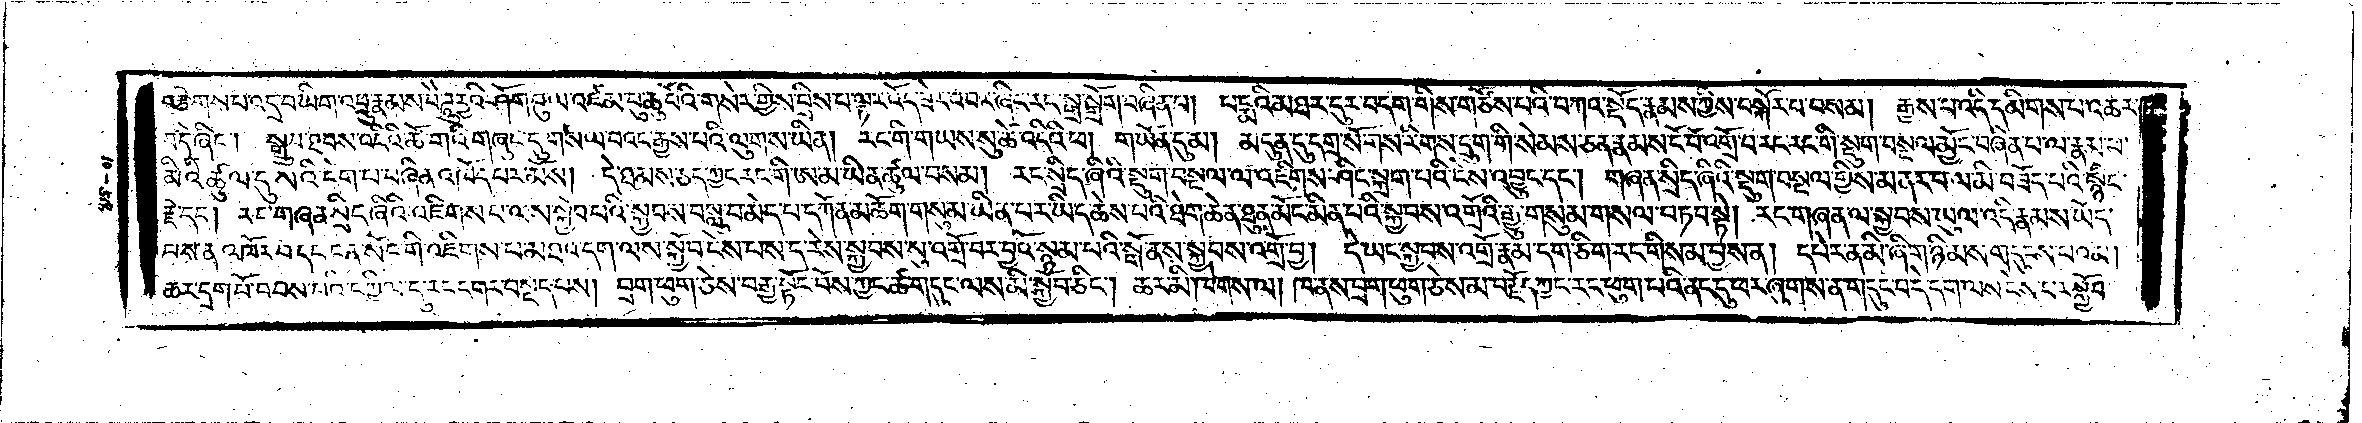བརྩེགས་པ་འདྲ་བ་ཡིག་འབྲུ་རྣམས་བཻ་ཌཱུརྱའི་ཤོག་བུ་ལ་འཛམ་བུ་ཆུ་བོའི་གསེར་གྱིས་བྲིས་པ་ལྟར་འོད་ཟེར་འབར་ཞིང་རང་སྒྲ་སྒྲོག་བཞིན་པ། པདམའི་མཐར་དུར་བདག་གིས་གཙོས་པའི་བཀའ་སྡོད་རྣམས་ཀྱིས་བསྐོར་བ་བསམ། རྒྱས་པ་འདི་དམིགས་པ་འཆར་
བདེ་ཞིང་། སྒྲུབ་ཐབས་འདིའི་ཆོ་གའི་གཞུང་དུ་གསལ་བའང་རྒྱས་པའི་ལུགས་ཡིན། རང་གི་གཡས་སུ་ཚེ་འདིའི་ཕ། གཡོན་དུ་མ། མདུན་དུ་དགྲ་སོགས་རིགས་དྲུག་གི་སེམས་ཅན་རྣམས་ངོ་བོ་འགྲོ་བ་རང་རང་གི་སྡུག་བསྔལ་མྱོང་བཞིན་པ་ལ་རྣམ་པ་
མིའི་ཚུལ་དུ་སའི་དྲེག་པ་བཞིན་འཁོད་པར་མོས། དེ་ཐམས་ཅད་ཀྱང་རང་གི་ཨ་མ་ཡིན་ཚུལ་བསམ། རང་སྲིད་ཞིའི་སྡུག་བསྔལ་ལ་འཇིགས་ཤིང་སྐྲག་པའི་ངེས་འབྱུང་དང་། གཞན་སྲིད་ཞིའི་སྡུག་བསྔལ་གྱིས་མནར་བ་ལ་མི་བཟོད་པའི་སྙིང་
རྗེ་དང་། རང་གཞན་སྲིད་ཞིའི་འཇིགས་པ་ལས་སྐྱོབ་པའི་སྐྱབས་བསླུ་བ་མེད་པ་དཀོན་མཆོག་གསུམ་ཡིན་པར་ཡིད་ཆེས་པའི་ཐེག་ཆེན་ཐུན་མོང་མིན་པའི་སྐྱབས་འགྲོའི་རྒྱུ་གསུམ་གསལ་བཏབ་སྟེ། རང་གཞན་ལ་སྐྱབས་ཡུལ་འདི་རྣམས་ཡོད་
པས་ན་འཁོར་བ་དང་ངན་སོང་གི་འཇིགས་པ་མཐའ་དག་ལས་སྐྱོབ་ངེས་པས་ད་རེས་སྐྱབས་སུ་འགྲོ་བར་བྱའོ་སྙམ་པའི་སྒོ་ནས་སྐྱབས་འགྲོ་བྱ། དེ་ཡང་སྐྱབས་འགྲོ་རྣམ་དག་ཅིག་རང་གིས་མ་བྱས་ན། དཔེར་ན་མི་ཞིག་ཉི་མས་གདུངས་བའམ།
ཆར་དྲག་པོ་བབས་པའི་དཀྱིལ་དུ་རང་དགར་བསྡད་པས། བྲག་ཕུག་ཅེས་བརྒྱ་སྟོང་བོས་ཀྱང་ཚ་གདུང་ལས་མི་སྐྱོབ་ཅིང་། ཆར་མི་ཁེབས་ལ། ཁ་ནས་བྲག་ཕུག་ཅེས་མ་བརྗོད་ཀྱང་རང་ཕུག་པའི་ནང་དུ་ཕར་ཞུགས་ན་གདུང་བ་དེ་དག་ལས་ངེས་པར་སྐྱོབ་